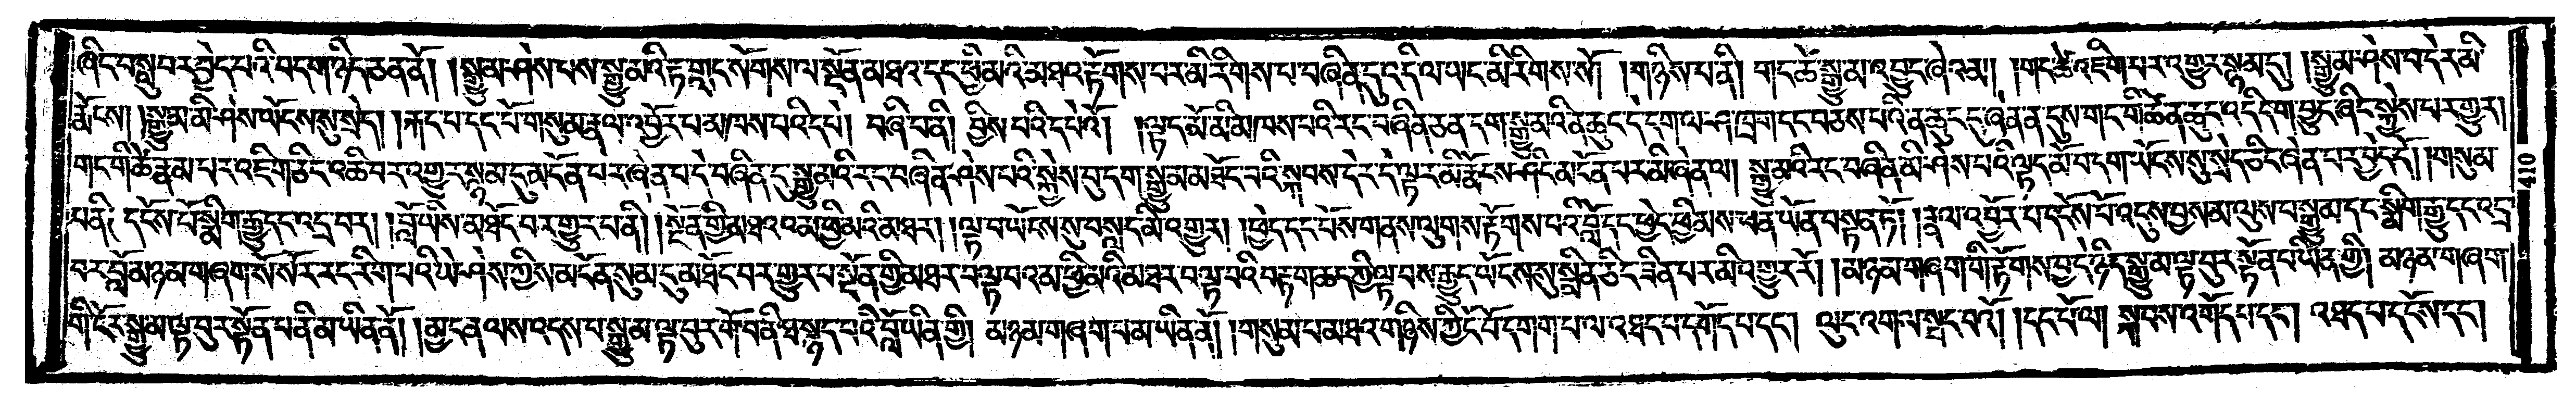ཞིང་བསླུ་བར་བྱེད་པའི་བདག་ཉིད་ཅན་ནོ། །སྒྱུ་མ་ཤེས་པས་སྒྱུ་མའི་རྟ་གླང་སོགས་ལ་སྔོན་མཐའ་དང་ཕྱི་མའི་མཐའ་རྟོགས་པར་མི་རིགས་པ་བཞིན་དུ་འདི་ལ་ཡང་མི་རིགས་སོ། །གཉིས་པ་ནི། གང་ཚེ་སྒྱུ་མ་འབྱུང་ཞེའམ། །གང་ཚེ་འཇིག་པར་འགྱུར་སྙམ་དུ། །སྒྱུ་མ་ཤེས་པ་དེར་མི་
རྨོངས། །སྒྱུ་མ་མི་ཤེས་ཡོངས་སུ་སྲེད། །རྐང་པ་དང་པོ་གསུམ་རྣལ་འབྱོར་པ་མཁས་པའི་དཔེ། བཞི་པ་ནི། བྱིས་པའི་དཔེའོ། །ལྟད་མོ་མི་མཁས་པའི་རང་བཞིན་ཅན་དག་སྒྱུ་མའི་ན་ཆུང་དེ་དག་ལ་ཤ་ཁྲག་དང་བཅས་པའི་ན་ཆུང་དུ་ཞེན་ན་དུས་གང་གི་ཚེ་ན་ཆུང་འདི་དག་བྱུང་ཞིང་སྐྱེས་པར་གྱུར།
གང་གི་ཚེ་རྣམ་པར་འཇིག་ཅིང་འཆི་བར་འགྱུར་སྙམ་དུ་མངོན་པར་ཞེན་པ་དེ་བཞིན་དུ་སྒྱུ་མའི་རང་བཞིན་ཤེས་པའི་སྐྱེས་བུ་དག་སྒྱུ་མ་མཐོང་བའི་སྐབས་དེར་དེ་ལྟར་མི་རྨོངས་ཤིང་མངོན་པར་མི་ཞེན་ལ། སྒྱུ་མའི་རང་བཞིན་མི་ཤེས་པའི་ལྟད་མོ་བདག་ཡོངས་སུ་སྲེད་ཅིང་ཞེན་པར་བྱེད་དོ། །གསུམ་
པ་ནི། དངོས་པོ་སྨིག་རྒྱུ་དང་འདྲ་བར། །བློ་ཡིས་མཐོང་བར་གྱུར་བ་ནི། །སྔོན་གྱི་མཐའ་འམ་ཕྱི་མའི་མཐར། །ལྟ་བ་ཡོངས་སུ་བསླད་མི་འགྱུར། །ཕྱེད་དང་པོས་གནས་ལུགས་རྟོགས་པའི་བློ་དང་ཕྱེད་ཕྱི་མས་ཕན་ཡོན་བསྟན་ཏོ། །རྣལ་འབྱོར་པ་དངོས་པོ་འདུས་བྱས་མ་ལུས་པ་སྒྱུ་མ་དང་སྨིག་རྒྱུ་དང་འདྲ་
བར་བློ་མཉམ་གཞག་སོ་སོར་རང་རིག་པའི་ཡེ་ཤེས་ཀྱིས་མངོན་སུམ་དུ་མཐོང་བར་གྱུར་པ་སྔོན་གྱི་མཐར་བལྟ་བའམ་ཕྱི་མའི་མཐར་བལྟ་བའི་བརྟག་ཆད་ཀྱི་ལྟ་བས་རྒྱུད་ཡོངས་སུ་སྨིན་ཅིང་ཟིན་པར་མི་འགྱུར་རོ། །མཉམ་གཞག་གི་རྟོགས་བྱ་དེ་ཉིད་སྒྱུ་མ་ལྟ་བུར་སྟོན་པ་ཡིན་གྱི། མཉམ་གཞག་
གི་ངོར་སྒྱུ་མ་ལྟ་བུར་སྟོན་པ་ནི་མ་ཡིན་ནོ། །མྱ་ངན་ལས་འདས་པ་སྒྱུ་མ་ལྟ་བུར་གོ་བ་ནི་ཐ་སྙད་པའི་བློ་ཡིན་གྱི། མཉམ་གཞག་པ་མ་ཡིན་ནོ། །གསུམ་པ་མཐའ་གཉིས་ཀྱི་ངོ་བོ་དགག་པ་ལ་འཐད་པ་དགོད་པ་དང་། ལུང་འགལ་སྤང་བའོ། །དང་པོ་ལ། སྐབས་འགོད་པ་དང་། འཐད་པ་དངོས་དང་།